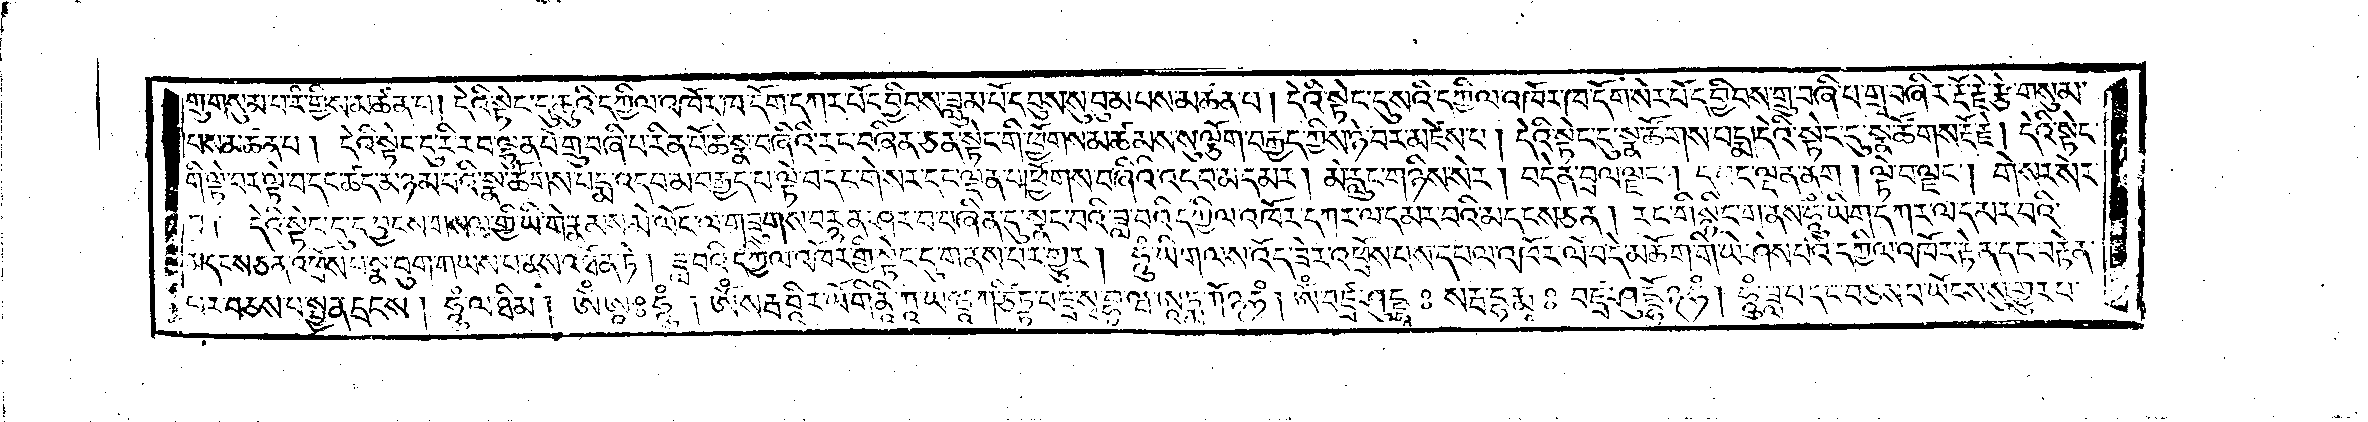གྲུ་གསུམ་པ་རི་གྱིས་མཚན་པ། དེའི་སྟེང་དུ་ཆུའི་དཀྱིལ་འཁོར་ཁ་དོག་དཀར་པོ་དབྱིབས་ཟླུམ་པོ་དབུས་སུ་བུམ་པས་མཚན་པ། དེའི་སྟེང་དུ་སའི་དཀྱིལ་འཁོར་ཁ་དོག་སེར་པོ་དབྱིབས་གྲུ་བཞི་པ་གྲྭ་བཞིར་རྡོ་རྗེ་རྩེ་གསུམ་
པས་མཚན་པ། དེའི་སྟེང་དུ་རི་རབ་ལྷུན་པོ་གྲུ་བཞི་པ་རིན་པོ་ཆེ་སྣ་བཞིའི་རང་བཞིན་ཅན་སྟེང་གི་ཕྱོགས་མཚམས་སུ་ལྕོག་བརྒྱད་ཀྱིས་ཉེ་བར་མྯེས་པ། དེའི་སྟེང་དུ་སྣ་ཚོགས་པདམ། དེའི་སྟེང་དུ་སྣ་ཚོགས་རྡོ་རྗེ། དེའི་སྟེང་
གི་ལྟེ་བར་ལྟེ་བ་དང་ཚད་མཉམ་པའི་སྣ་ཚོགས་པདམ་འདབ་མ་བརྒྱད་པ་ལྟེ་བ་དང་གེ་སར་དང་ལྡན་པ། ཕྱོགས་བཞིའི་འདབ་མ་དམར། མེ་རླུང་གཉིས་སེར། བདེན་བྲལ་ལྗང་། དབང་ལྡན་ནག། ལྟེ་བ་ལྗང་། གེ་སར་སེར་
བ། དེའི་སྟེང་དུ་དབྱངས་གསལ་གྱི་ཡི་གེ་རྣམས་མེ་ལོང་ལ་གཟུགས་བརྙན་གཟུགས་བརྙན་ཤར་བ་བཞིན་དུ་སྣང་བའི་ཟླ་བའི་དཀྱིལ་འཁོར་དཀར་ལ་དམར་བའི་མདངས་ཅན། རང་གི་སྙིང་གནས་ཧཱུཾ་ཡིག་དཀར་ལ་དམར་བའི་
མདངས་ཅན་འཕྲོས་པ་སྣ་བུག་གཡས་པ་ནས་འཐོན་ཏེ། ཟླ་བའི་དཀྱིལ་འཁོར་གྱི་སྟེང་དུ་གནས་པར་གྱུར། ཧཱུཾ་ཡིག་ལས་འོད་ཟེར་འཕྲོས་པས་དཔལ་འཁོར་ལོ་བདེ་མཆོག་གི་ཡེ་ཤེས་པའི་དཀྱིལ་འཁོར་རྟེན་དང་བརྟེན་
པར་བཅས་པ་སྤྱན་དྲངས། ཧཱུཾ་ལ་ཐིམ། ཨོཾ་ཨཱཿཧཱུཾ། ཨོཾ་སརྦ་བཱིར་ཨོ་གི་ནཱི་ཀཱ་ཨཝཱཀཙིདྟ་བཛྲ་སྭཱ་བྷཱ་ཝ་ཨཱཏྨ་ཀོཉཧཾ། ཨོཾ་བཛྲ་ཤུདྡྷཱཿསརྦ་དྷརྨའཿབཛྲ་ཤུདྡྷོ་ཉྷཾ། ཧཱུཾ་ཟླ་པ་དང་བཅས་པ་ཡོངས་སུ་གྱུར་པ་